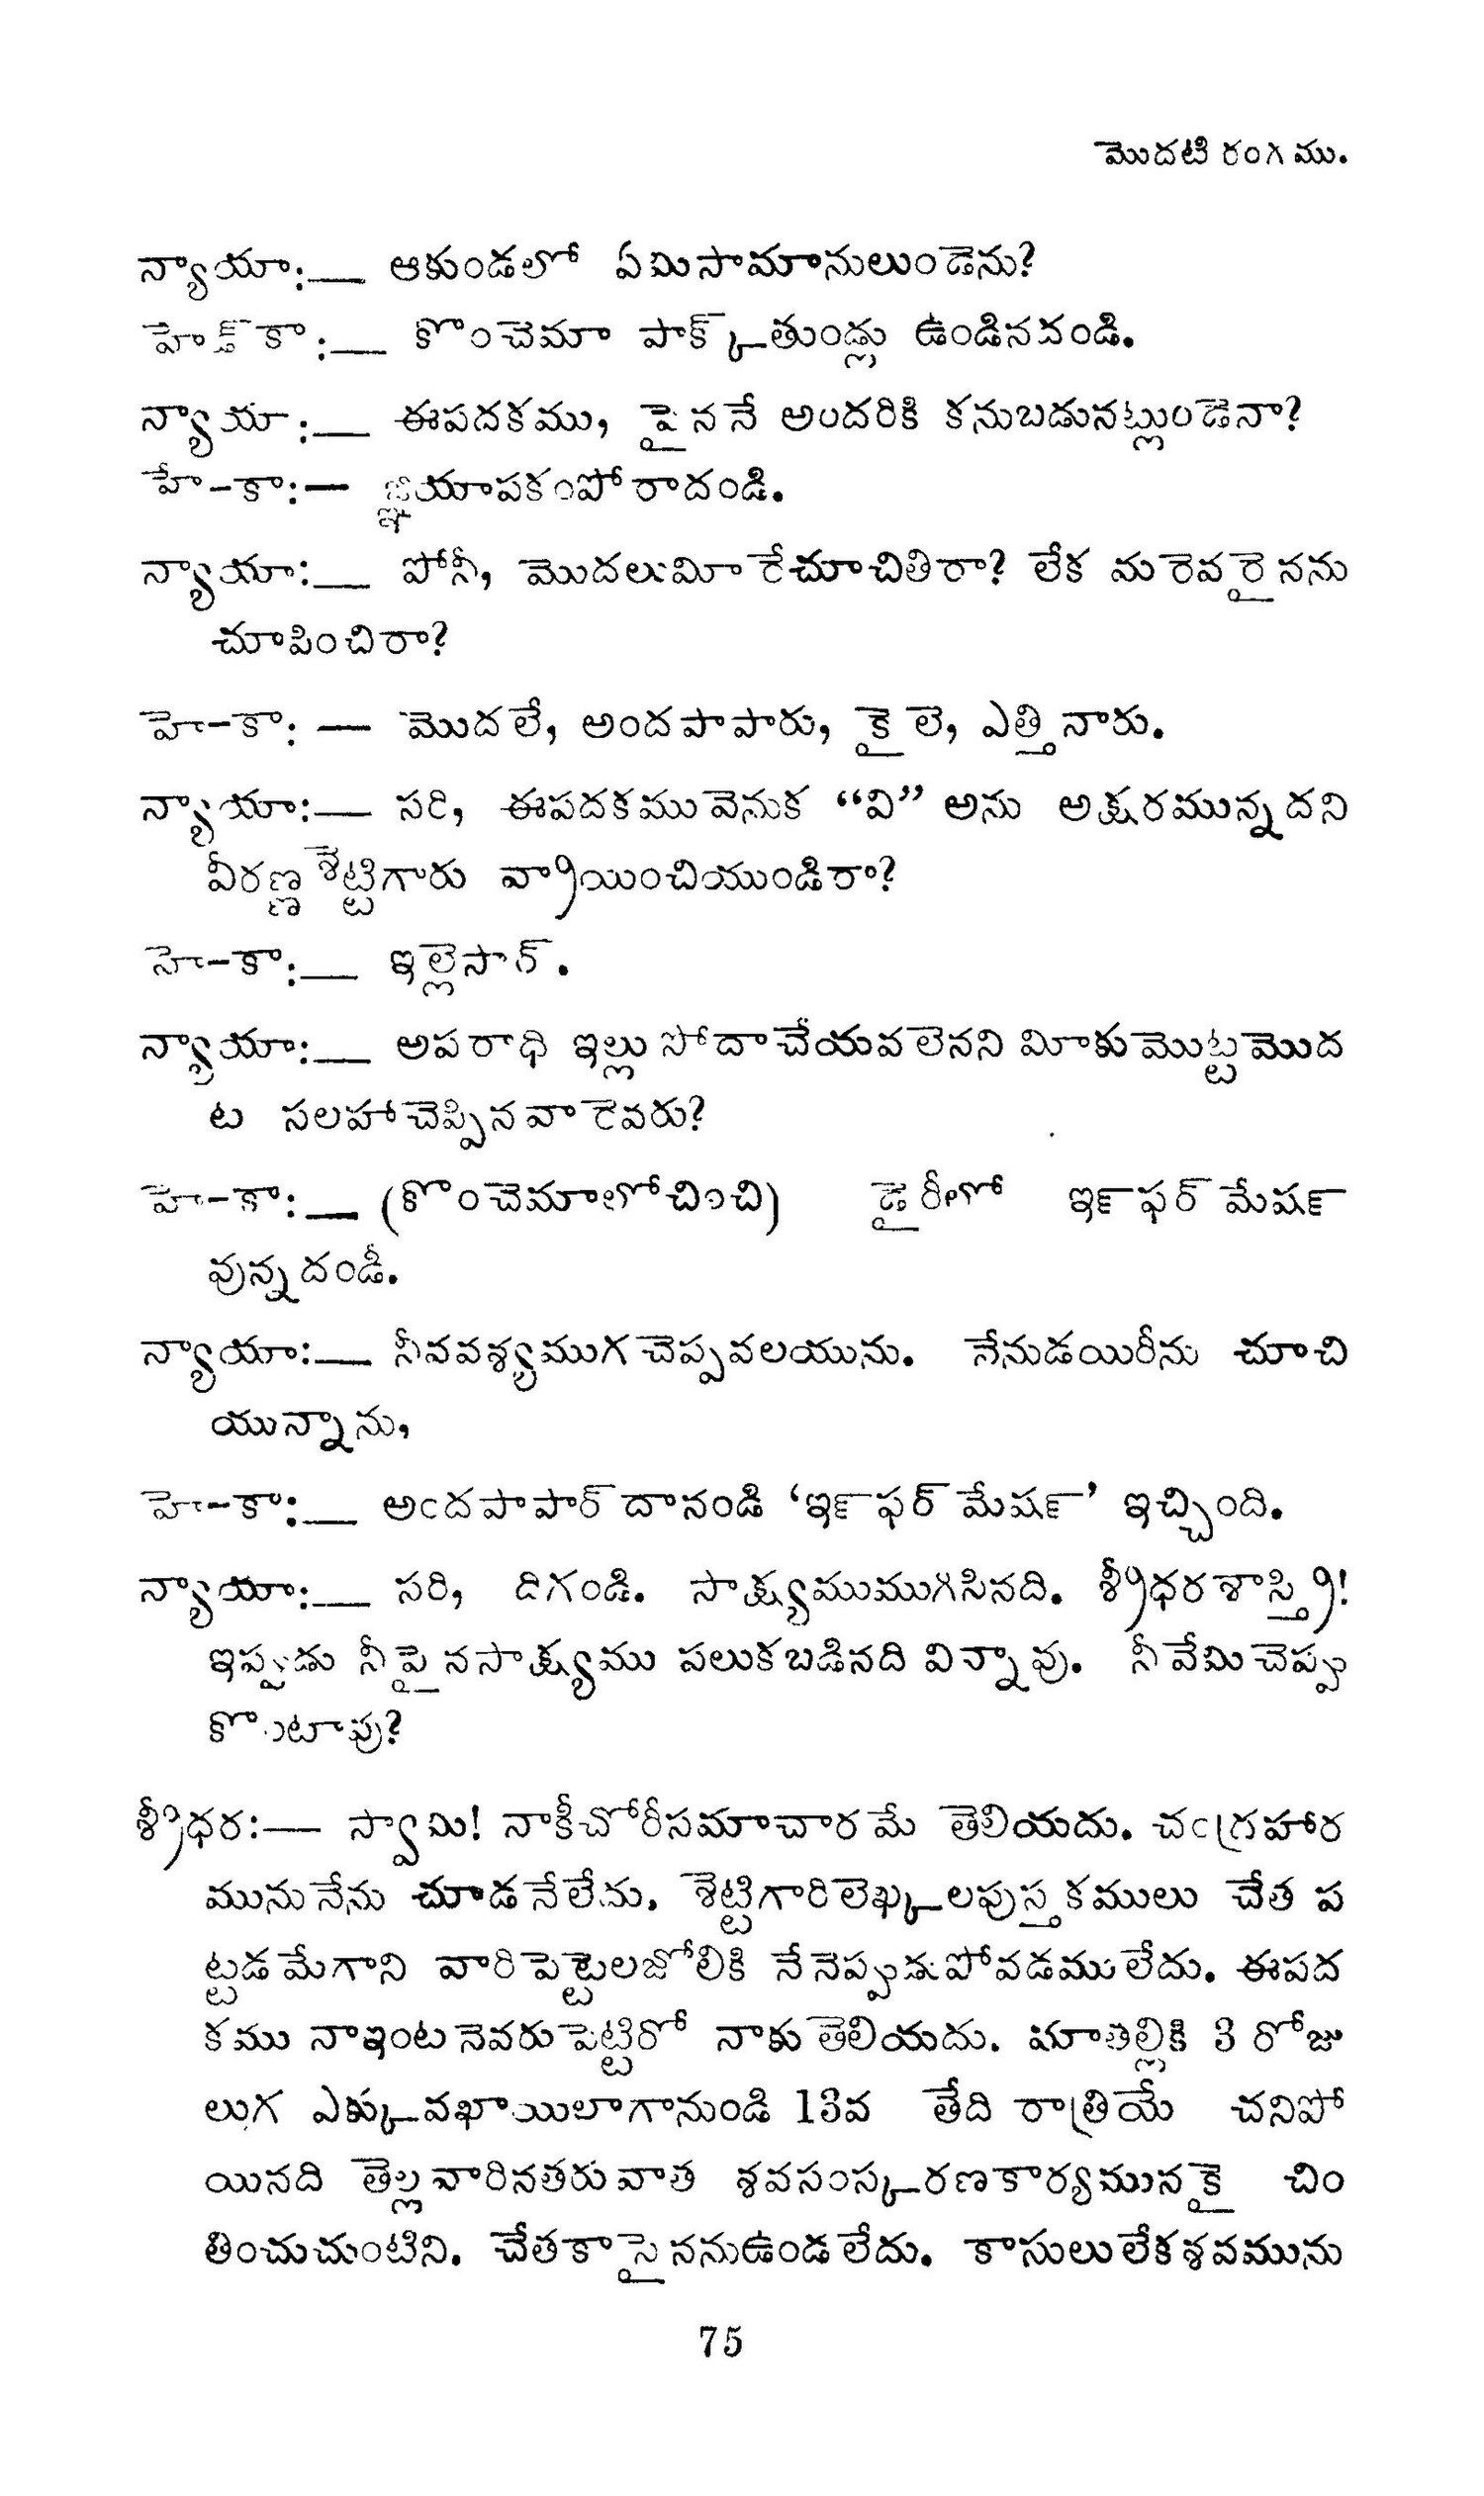న్యాయా:-ఆకుండలొ ఏమిసామానులుండెను?

హెడ్ కా;- కొంచెమా పాక్క్ తుండ్లు ఉండినదండి.

న్యాయా:-ఈపధకము, పైననే అందరికి కనుపడునట్లుండెనా? 

హె-కా:- జ్ఞయాపకం పొరాడండి.

న్యాయా:- పోనీ, మొదలు మీరేచూచితిరా? లేక మరెవరైనను చూపించిరా?

హె-కా;-మొదలే, అంద పాపారు, కైలె,ఎత్తినాడు.

న్యాయా:-సరి, ఈపదకము వెనుక "వి" అక్షరమున్నదని వీరణ్ణ శెట్టిగారు వ్రాయించియుండిరా?

హె-కా:-ఇల్లెసార్.

న్యాయా:-అపరాధి ఇల్లు సొదాచేయవలెనని మీకు మొట్టమొదట సలహాచెప్పినదెవరు?

హె-కా;-(కొంచెమాలొచించి) డైరీలోఇంఫర్ మేషన్ వున్నదండి.

న్యాయా:-నీనవశ్యముగచెప్పవలయును. నేను డయిరీను చూచి యున్నాను.

హె-కా;-అందసార్ దానండి 'ఇన్ ఫర్ మేషన్ ' ఇచ్చింది.

న్యాయా:-సరి, దిగండి. సాక్ష్యముముగిసింది. శ్రీధర శాస్త్రి! ఇప్పుడు నీపైనసాక్ష్యము పలుకబడినది విన్నావు. నీచేమిచెప్పుకొంటావు?

శ్రీధర:-స్వామి! నాకీచొరీసమాచారమే తెలియదు. చంద్రహారమును నేను చూడనేలేదు. శెట్టిగారిలెఖ్ఖల పుస్తకములు చేతపట్టడమేగాని వారిపెట్టెలజోలికి నేనెప్పుడు పొవడములేదు. ఈపదకము నాఇంట నెవరుపెట్టిరో నాకుతెలియదు. మాతల్లికి 3 రోజులుగ ఎక్కువగానుండి 13వ తేదీ రాత్రియే చనిపొయింది. తెల్లవారుజాముతరువాత శవసంస్కణకార్యక్రమము నకై చింతించుచుంటిని. చేతకాసైనను వుండలేదు. కాసులులేకశవమును